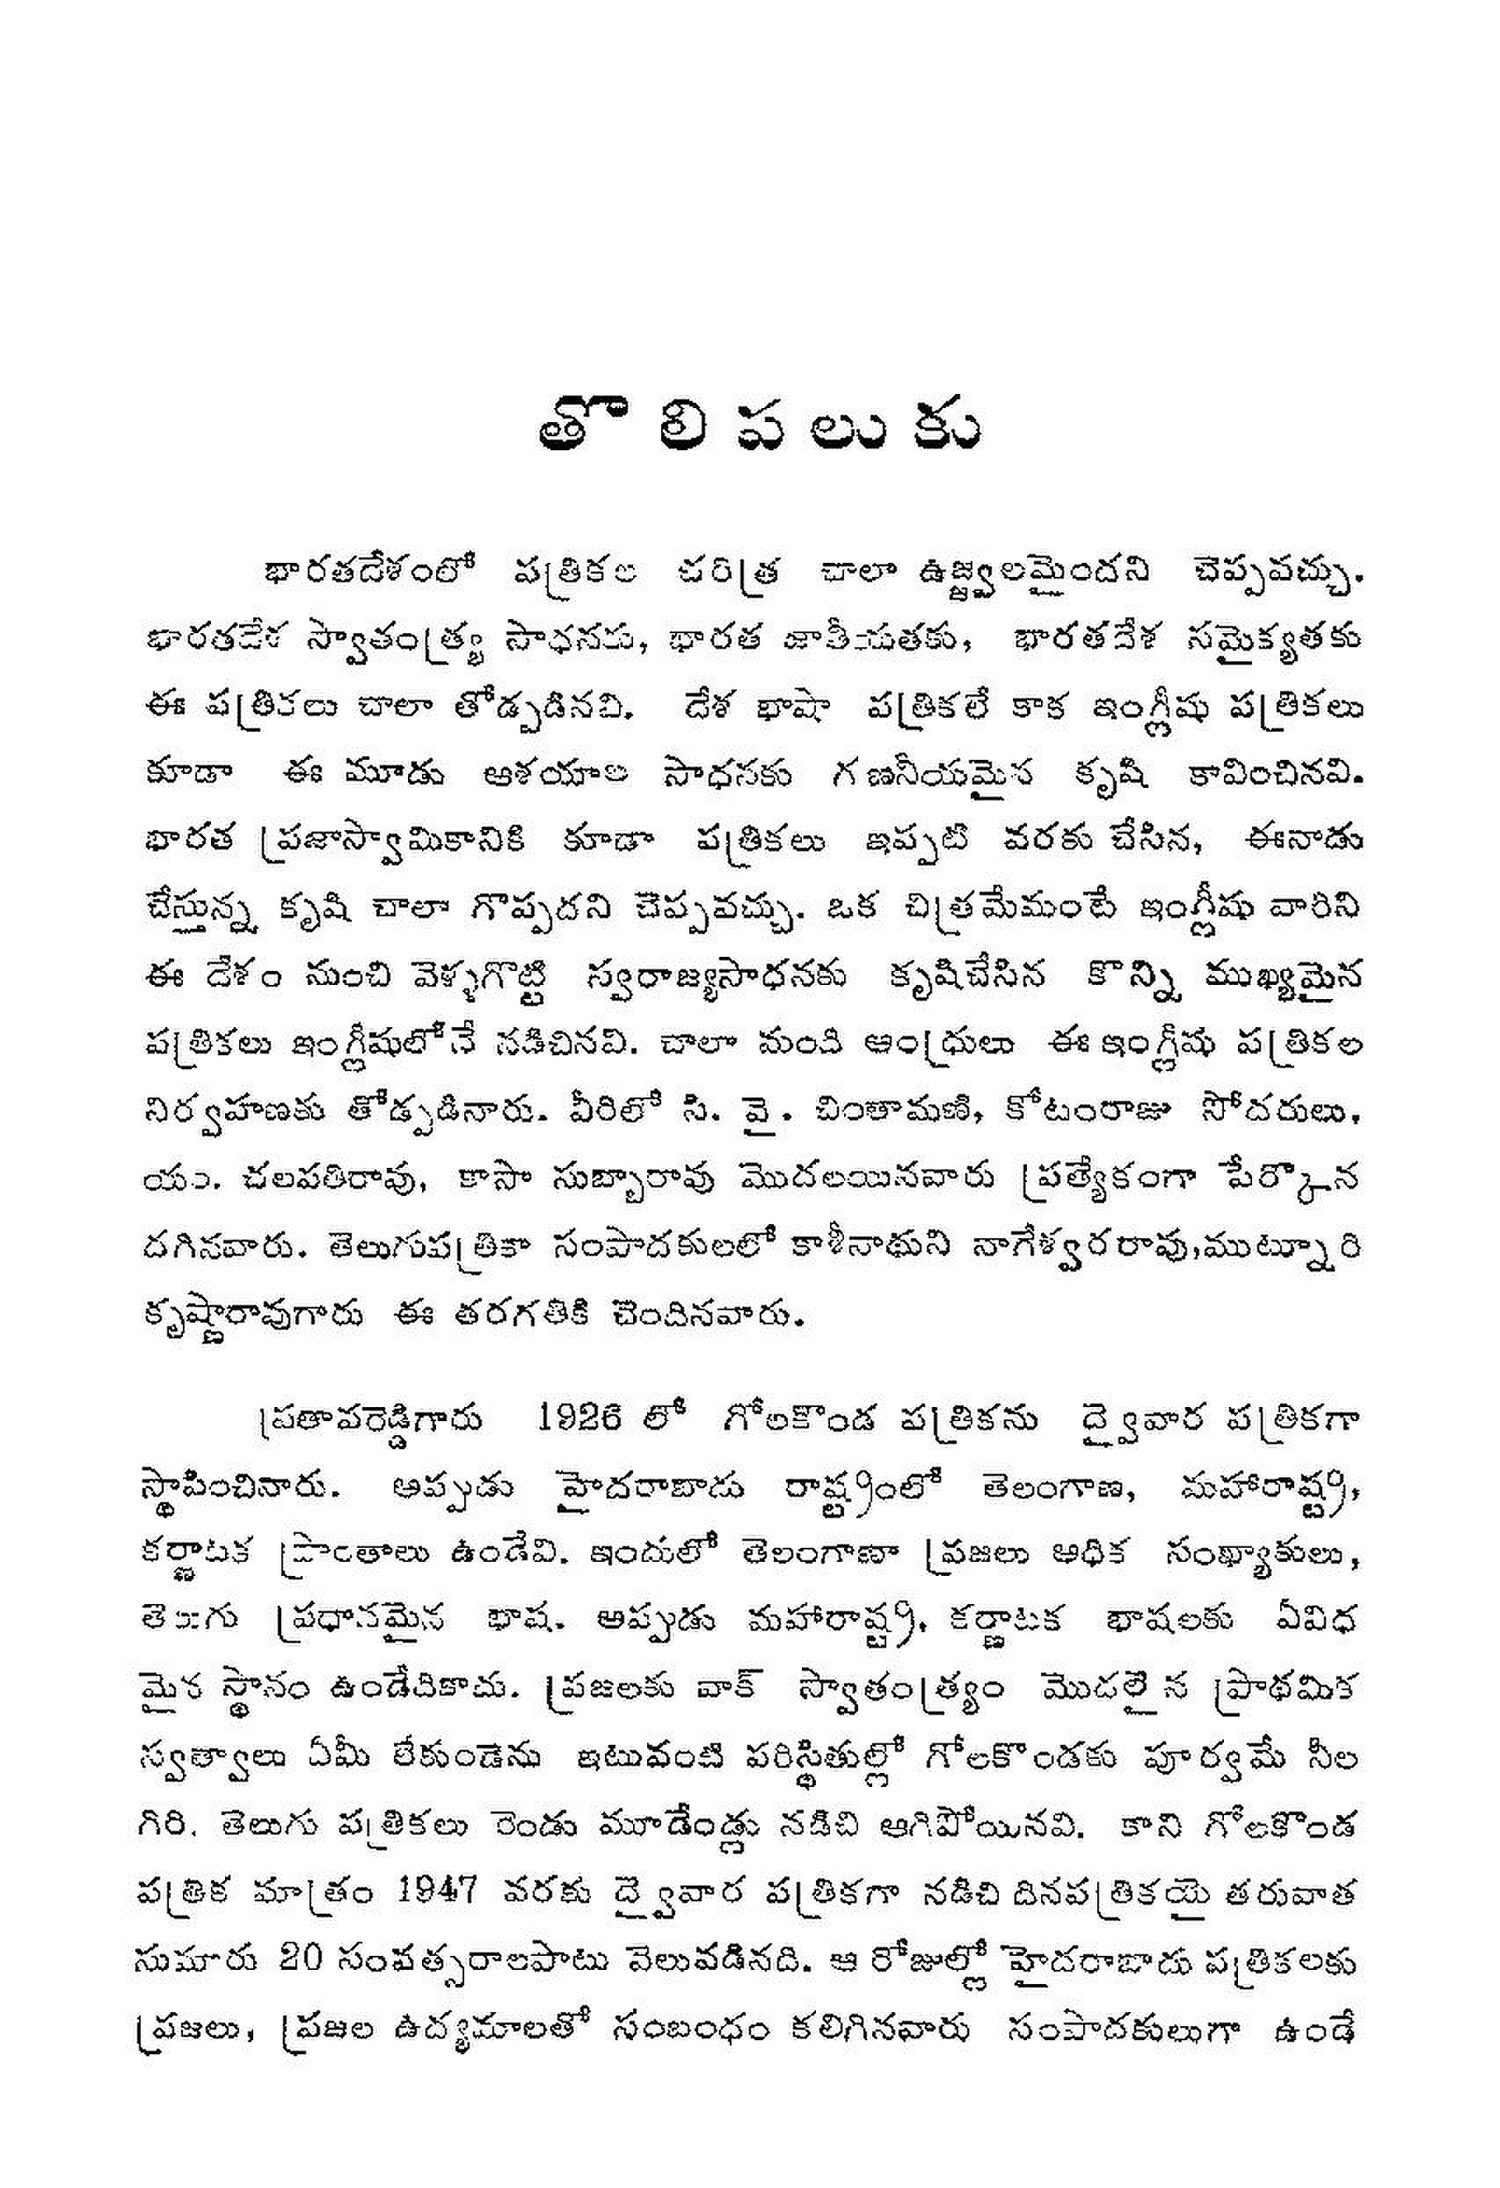తొలిపలుకు

భారతదేశంలో పత్రికల చరిత్ర చాలా ఉజ్జ్వలమైందని చెప్పవచ్చు. భారతదేశ స్వాతంత్ర్య సాధనకు, భారత జాతీయతకు, భారతదేశ సమైక్యతకు ఈ పత్రికలు చాలా తోడ్పడినవి. దేశ భాషా పత్రికలే కాక ఇంగ్లీషు పత్రికలు కూడా ఈ మూడు ఆశయాల సాధనకు గణనీయమైన కృషి కావించినవి. భారత ప్రజాస్వామికానికి కూడా పత్రికలు ఇప్పటి వరకు చేసిన, ఈనాడు చేస్తున్న కృషి చాలా గొప్పదని చెప్పవచ్చు. ఒక చిత్రమేమంటే ఇంగ్లీషు వారిని ఈ దేశం నుంచి వెళ్ళగొట్టి స్వరాజ్యసాధనకు కృషిచేసిన కొన్ని ముఖ్యమైన పత్రికలు ఇంగ్లీషులోనే నడిచినవి. చాలా మంది ఆంధ్రులు ఈ ఇంగ్లీషు పత్రికల నిర్వహణకు తోడ్పడినారు. వీరిలో సి. వై. చింతామణి, కోటంరాజు సోదరులు, యం. చలపతిరావు, కాసా సుబ్బారావు మొదలయినవారు ప్రత్యేకంగా పేర్కొనదగినవారు. తెలుగుపత్రికా సంపాదకులలో కాశీనాథుని నాగేశ్వరరావు, ముట్నూరి కృష్ణారావుగారు ఈ తరగతికి చెందినవారు.

ప్రతాపరెడ్డిగారు 1926 లో గోలకొండ పత్రికను ద్వైవార పత్రికగా స్థాపించినారు. అప్పుడు హైదరాబాదు రాష్ట్రంలో తెలంగాణ, మహారాష్ట్ర, కర్ణాటక ప్రాంతాలు ఉండేవి. ఇందులో తెలంగాణా ప్రజలు అధిక సంఖ్యాకులు, తెలుగు ప్రధానమైన భాష. అప్పుడు మహారాష్ట్ర, కర్ణాటక భాషలకు ఏవిధమైన స్థానం ఉండేదికాదు. ప్రజలకు వాక్ స్వాతంత్ర్యం మొదలైన ప్రాథమిక స్వత్వాలు ఏమీ లేకుండెను ఇటువంటి పరిస్థితుల్లో గోలకొండకు పూర్వమే నీలగిరి తెలుగు పత్రికలు రెండు మూడేండ్లు నడిచి ఆగిపోయినవి. కాని గోలకొండ పత్రిక మాత్రం 1947 వరకు ద్వైవార పత్రికగా నడిచి దినపత్రికయై తరువాత సుమారు 20 సంవత్సరాలపాటు వెలువడినది. ఆ రోజుల్లో హైదరాబాదు పత్రికలకు ప్రజలు, ప్రజల ఉద్యమాలతో సంబంధం కలిగినవారు సంపాదకులుగా ఉండే